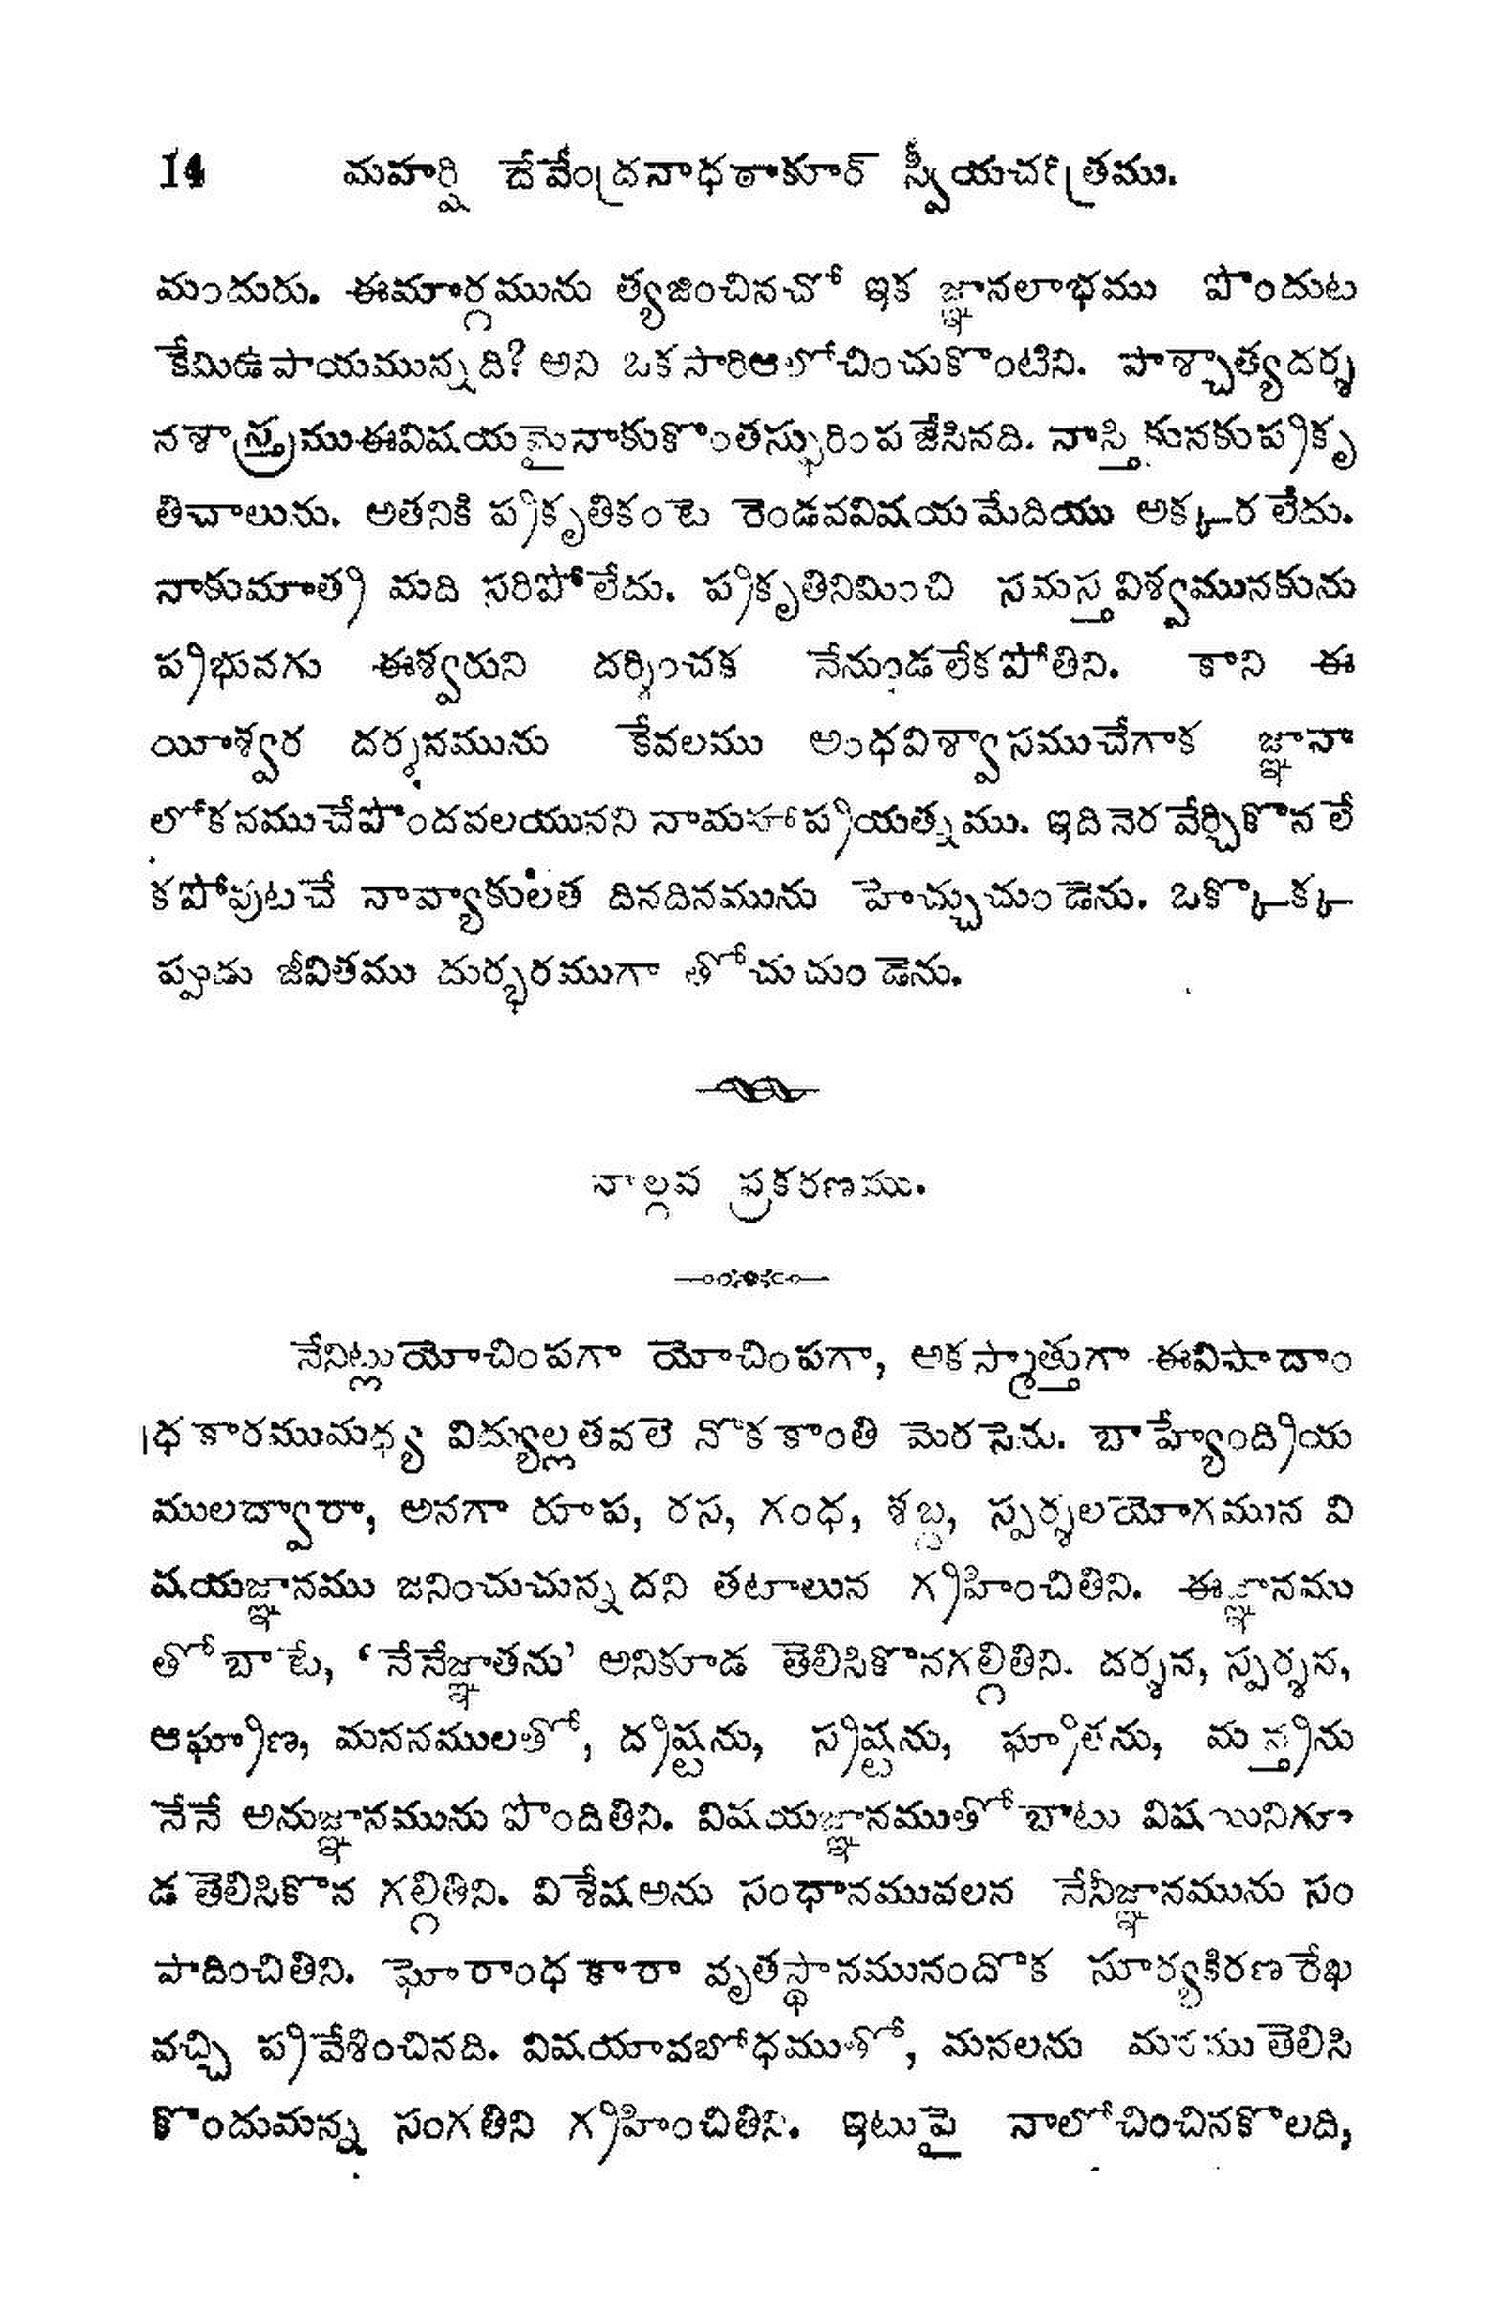ముదురు. ఈ మార్గమును త్యజించినచో ఇక జ్ఞానలాభము పొందుట కేమిఉ పాయమున్నది? అని ఒక సారి ఆలోచించుకొంటిని. పాశ్చాత్యదర్శనశాస్త్రము ఈ విషయమై నాకు కొంతస్ఫురింప జేసినది. నాస్తికునకు ప్రకృతిచాలును. అతనికి ప్రకృతికంటే రెండవ విషయమేదియు అక్కర లేదు. నాకుమాత్రమది సరిపోలేదు. ప్రకృతినిమించి సమస్త విశ్వమునకును ప్రభువగు ఈశ్వరుని దర్శించక 'నేనుండ లేక పోతిని. కాని ఈ యీశ్వర దర్శనమును కేవలము అంధవిశ్వాసముచేగాక జ్ఞానా లోకనము చేపొందవలయునని నా మహాప్రయత్నము. ఇది నెర వేర్చికొనలే కపోవుటచే నావ్యాకులత దినదినమును హెచ్చుచుండెను. ఒక్కొక్కప్పుడు జీవితము దుర్బరముగా తోచు చుండెను.

నాల్గవ ప్రకరణము.

నేనిట్లు యోచింపగా యోచింపగా, అకస్మాత్తుగా ఈ విషాదాందకారము మధ్య విద్యుల్ల తవలే నొక కాంతి మెరసెను. బా హ్యేంద్రియముల ద్వారా, అనగా రూప, రస, గంధ, శబ, స్పర్శలయోగమున విషయజ్ఞానము జనించుచున్నదని తటాలున గ్రహించితిని. ఈ జ్ఞానముతో బాబే, “ నేసేజ్ఞాతను' అనికూడ తెలిసికొనగల్గితిని. దర్శన, స్పర్శన, ఆఘాణ, మననములతో, దశిష్టను, స్రష్టను, ఘాత్రను, మస్త్రను నేనే అనుజ్ఞానమును పొందితిని. విషయజ్ఞానముతో బాటు విషయినిగూడ తెలిసికొన గల్గితిని. విశేష అను సంధానమువలన నేనీ జ్ఞానమును సంపాదించితిని. 'ఘోరాంధకారా వృతస్థానమునందొక సూర్యకిరణ రేఖ వచ్చి ప్రవేశించినది. విషయావబోధము, మనలను మనము తెలిసి కొందుమన్న సంగతిని గ్రహించితి. ఇటు పై నాలోచించిన కొలది,